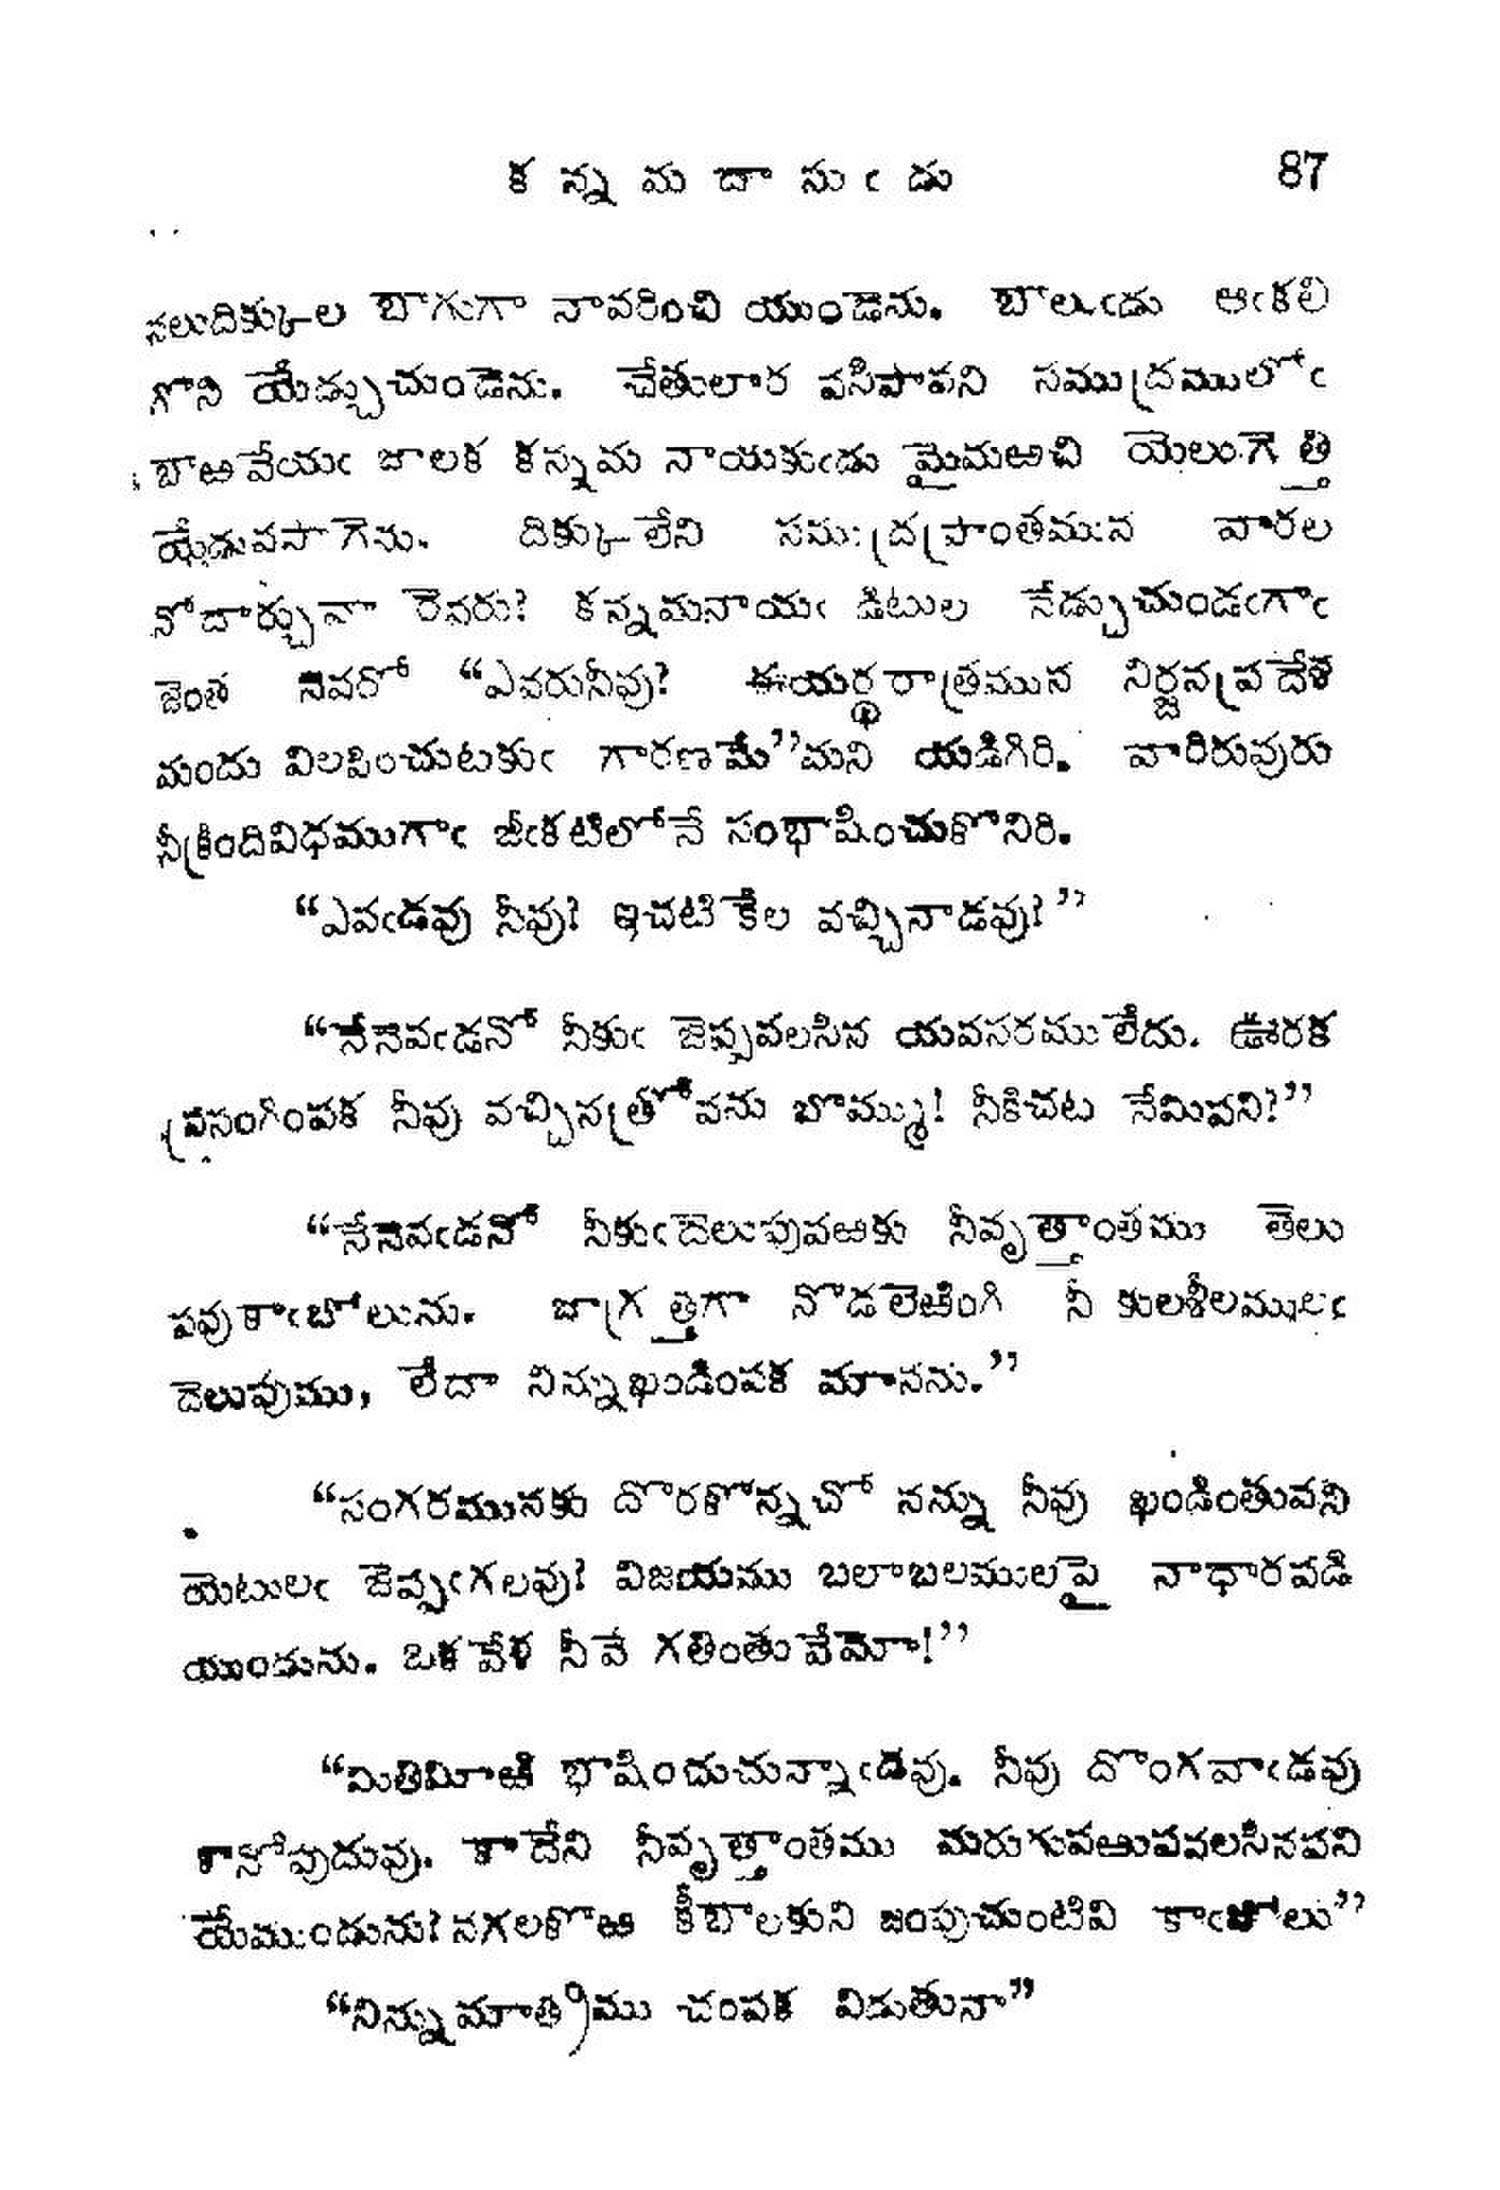నలుదిక్కుల బాగుగా నావరించి యుండెను. బాలుడు ఆకలిగొని యేడ్చుచుండెను. చేతులార పసిపాపని సముద్రములో బాఱవేయ జాలక కన్నమ నాయకుడు మైమఱచి యెలుగెత్తి యేడువసాగెను. దిక్కులేని సముద్రప్రాంతమున వారల నోదార్చువా రెవరు? కన్నమనాయ డిటుల నేడ్చుచుండగా జెంత నెవరో "ఎవరునీవు? ఈయర్థరాత్రమున నిర్జనప్రదేశమందు విలపించుటకు గారణమే"మని యడిగిరి. వారిరువురు నీక్రిందివిధముగా జీకటిలోనే సంభాషించుకొనిరి.

"ఎవడవు నీవు? ఇచటికేల వచ్చినాడవు?"

"నేనెవడనో నీకు జెప్పవలసిన యవసరములేదు. ఊరక ప్రసంగింపక నీవు వచ్చినత్రోవను బొమ్ము! నీకిచట నేమిపని?"

"నేనెవడనో నీకుదెలుపువఱకు నీవృత్తాంతము తెలుపవుకాబోలును. జాగ్రత్తగా నొడలెఱింగి నీ కులశీలముల దెలుపుము, లేదా నిన్నుఖండింపక మానను."

"సంగరమునకు దొరకొన్నచో నన్ను నీవు ఖండింతువని యెటుల జెప్పగలవు? విజయము బలాబలములపై నాధారపడి యుండును. ఒకవేళ నీవే గతింతువేమో!"

"మితిమీఱి భాషించుచున్నాడవు. నీవు దొంగవాడవు కానోపుదువు. కాదేని నీవృత్తాంతము మరుగుపఱుపవలసినపని యేముండును? నగలకొఱ కీబాలకుని జంపుచుంటివి కాబోలు"

"నిన్నుమాత్రము చంపక విడుతునా"